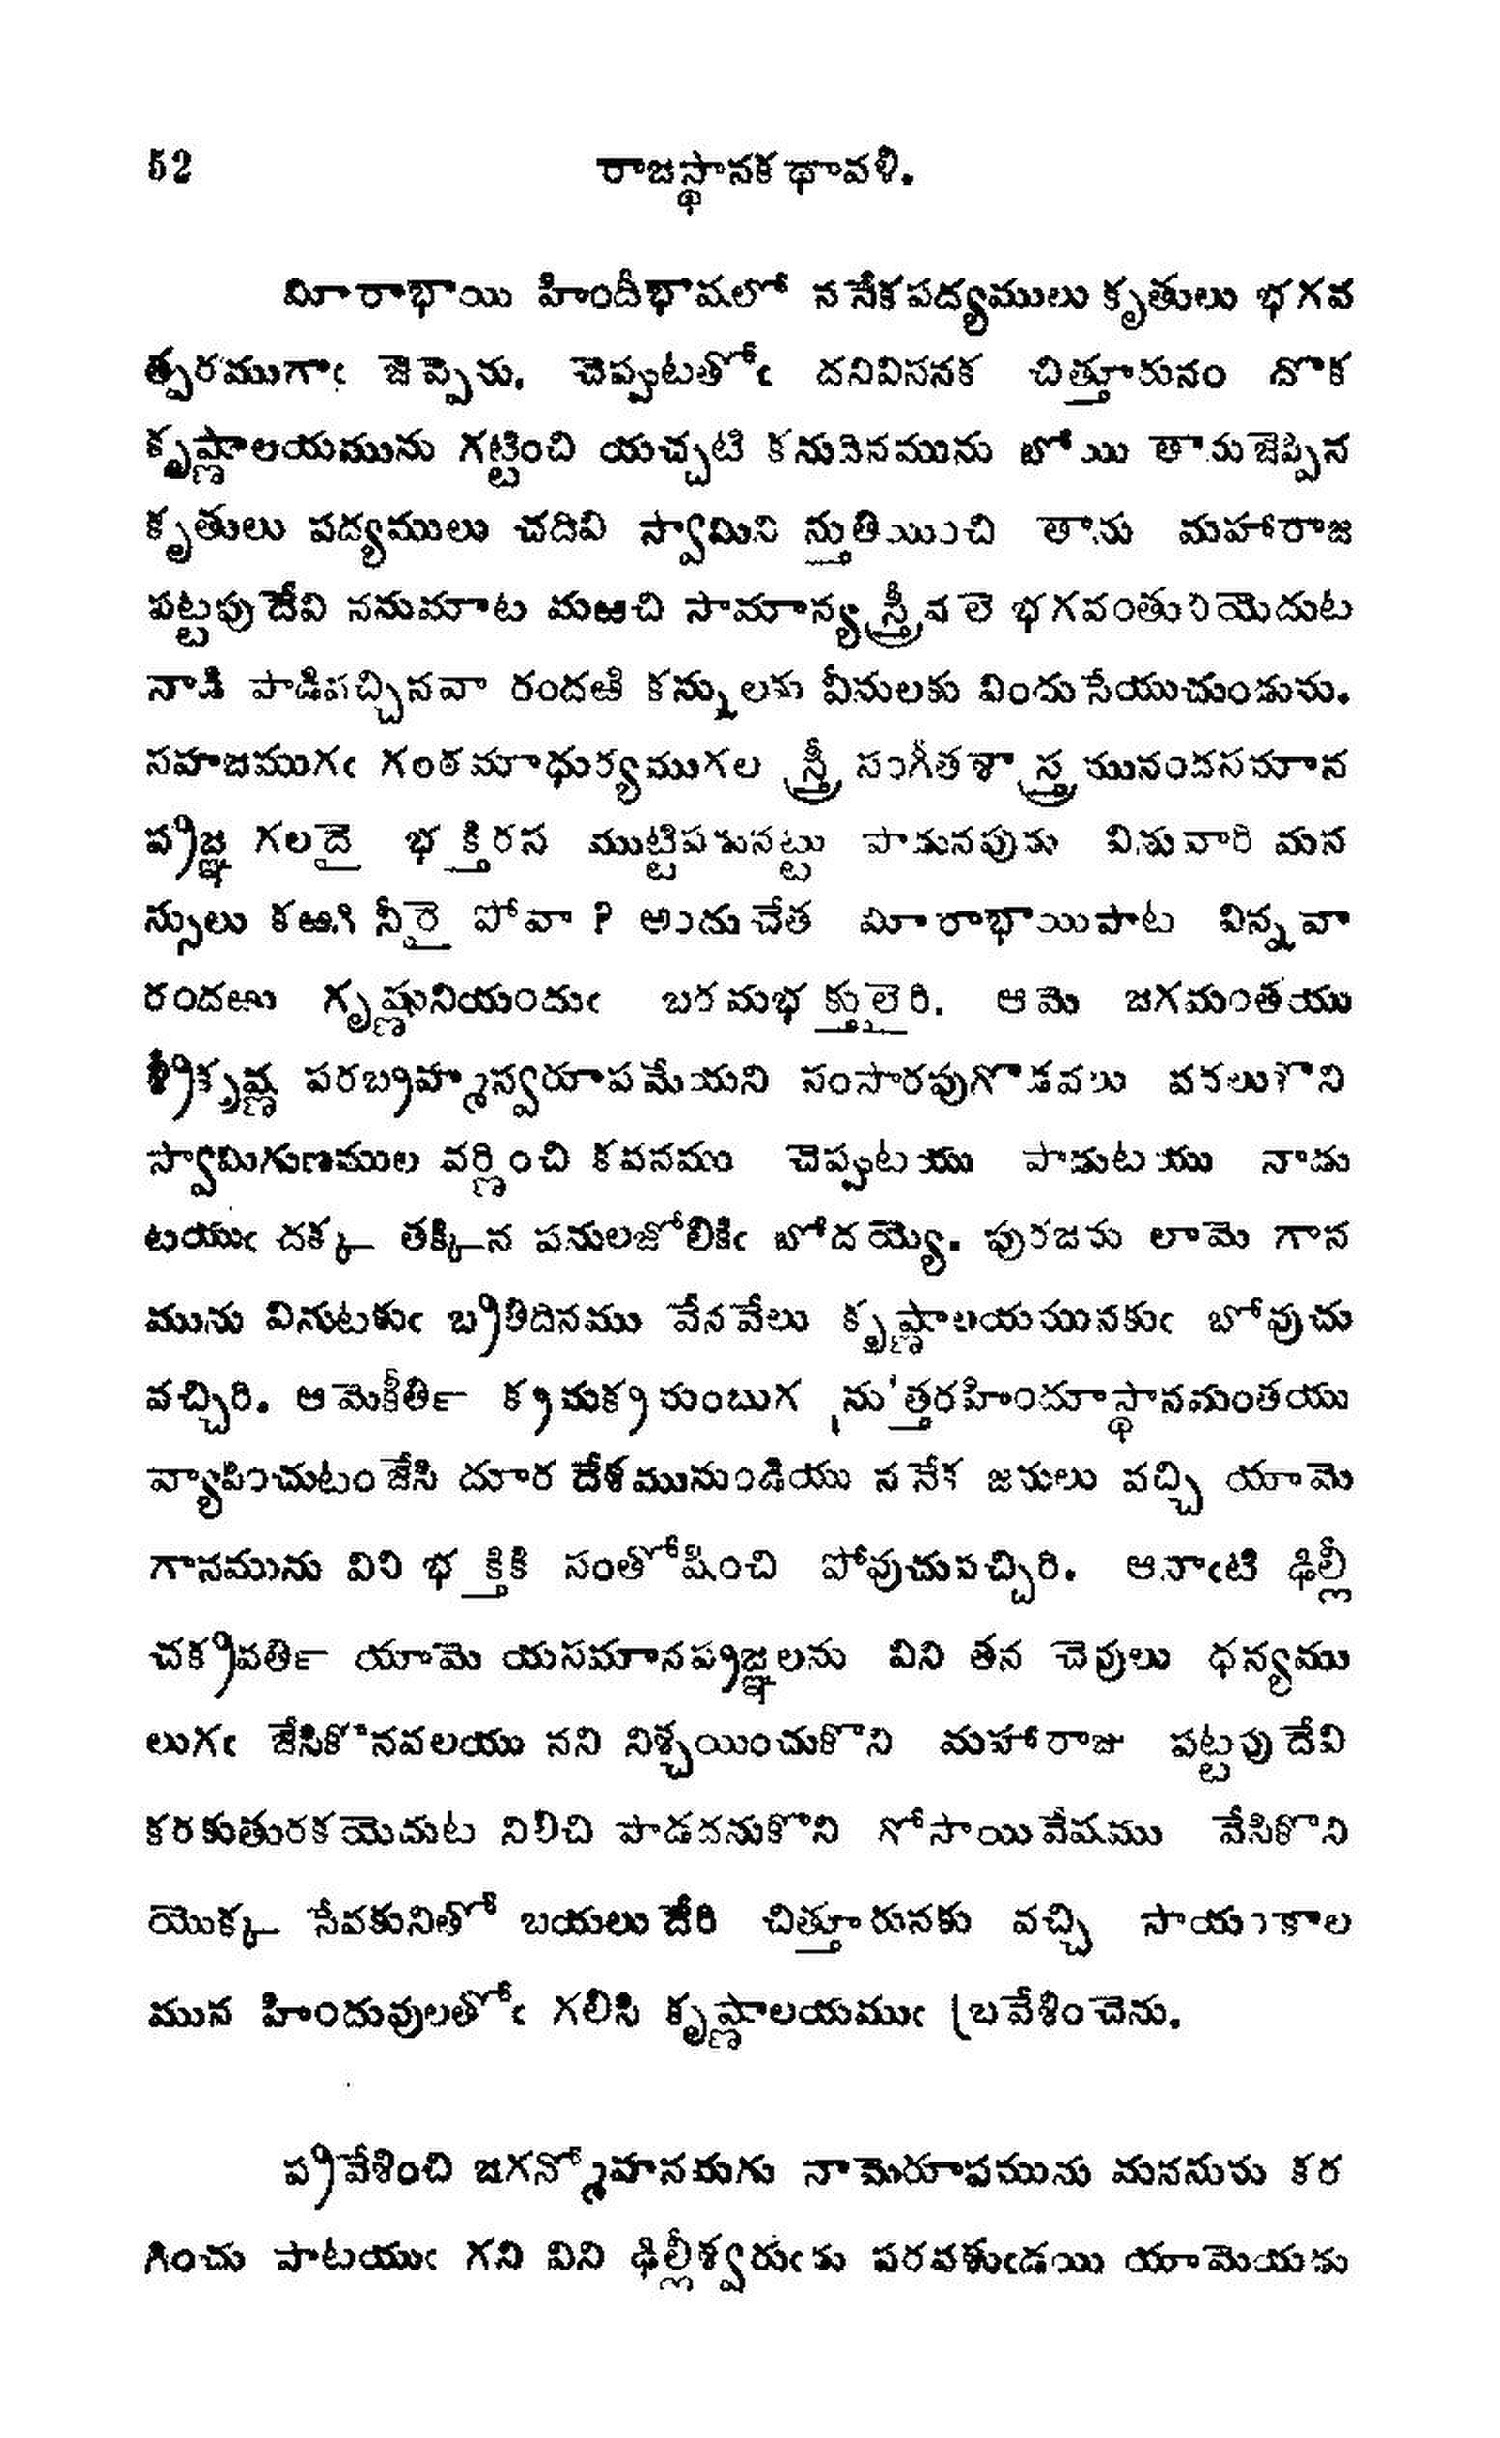మీరాభాయి హిందీ భాషలో ననేక పద్యములు కృతులు భగవత్పరముగాఁ జెప్పెను. చెప్పుటతోఁ దనివిసనక చిత్తూరునం దొక
కృష్ణాలయమును గట్టించి యచ్చటి కనుదినమును బోయి తాను జెప్పిన కృతులు పద్యములు చదివి స్వామిని స్తుతియించి తాను మహారాజ
పట్టపు దేవి ననుమాట మఱచి సామాన్య స్త్రీవలె భగవంతుని యెదుట నాడి పాడివచ్చినవా రందఱి కన్నులను వీనులకు విందు సేయుచుండును. సహజముగఁ గంఠ మాధుర్యముగల స్త్రీ సంగీత శాస్త్రమునందసమాన ప్రజ్ఞ గలదై భక్తిరస ముట్టిపడునట్టు పాడునపుడు విను వారి మనస్సులు కఱగి నీరై పోవా ? అందు చేత మీరాభాయిపాట విన్నవారందఱు గృష్ణునియందుఁ బరమభక్తులైరి. ఆమె జగమంతయు
శ్రీకృష్ణ పరబ్రహ్మ స్వరూపమేయని సంసారపుగొడవలు వదలుకొని స్వామిగుణముల వర్ణించి కవనము చెప్పుటయు పాడుటయు నాడు

టయుఁ దక్క తక్కిన పనులజోలికిఁ బోదయ్యె. పురజను లామె గానమును వినుటకుఁ బ్రతిదినము 'వేనవేలు కృష్ణాలయమునకుఁ బోవుచు
వచ్చిరి. ఆమెకీతి౯క్రమక్రమంబుగ నుత్తర హిందూస్థానమంతయు వ్యాపించుటం జేసి దూర దేశమునుండియు ననేక జనులు వచ్చి యామె
గానమును విని భక్తికి సంతోషించి పోవుచుపచ్చిరి. ఆనాటి ఢిల్లీ చక్రవతి౯ యామె యసమాన ప్రజ్ఞలను విని తన చెవులు ధన్యము
లుగఁ జేసికోనవలయు నని నిశ్చయించుకొని మహారాజు పట్టవు దేవి కరకుతురక యెదుట నిలిచి పొడదనుకొని గోసాయివేషము వేసికొని
యొక్క సేవకునితో బయలు దేరి చిత్తూరునకు వచ్చి సాయంకాలమున హిందువులతోఁ గలిసి కృష్ణాలయముఁ బ్రవేశించెను,

ప్రవేశించి జగన్మోహనమగు నామెరూపమును మనసును కరగించు పాటయుఁ గని విని ఢిల్లీశ్వరుఁడు పరవశుడయి యామెయడు